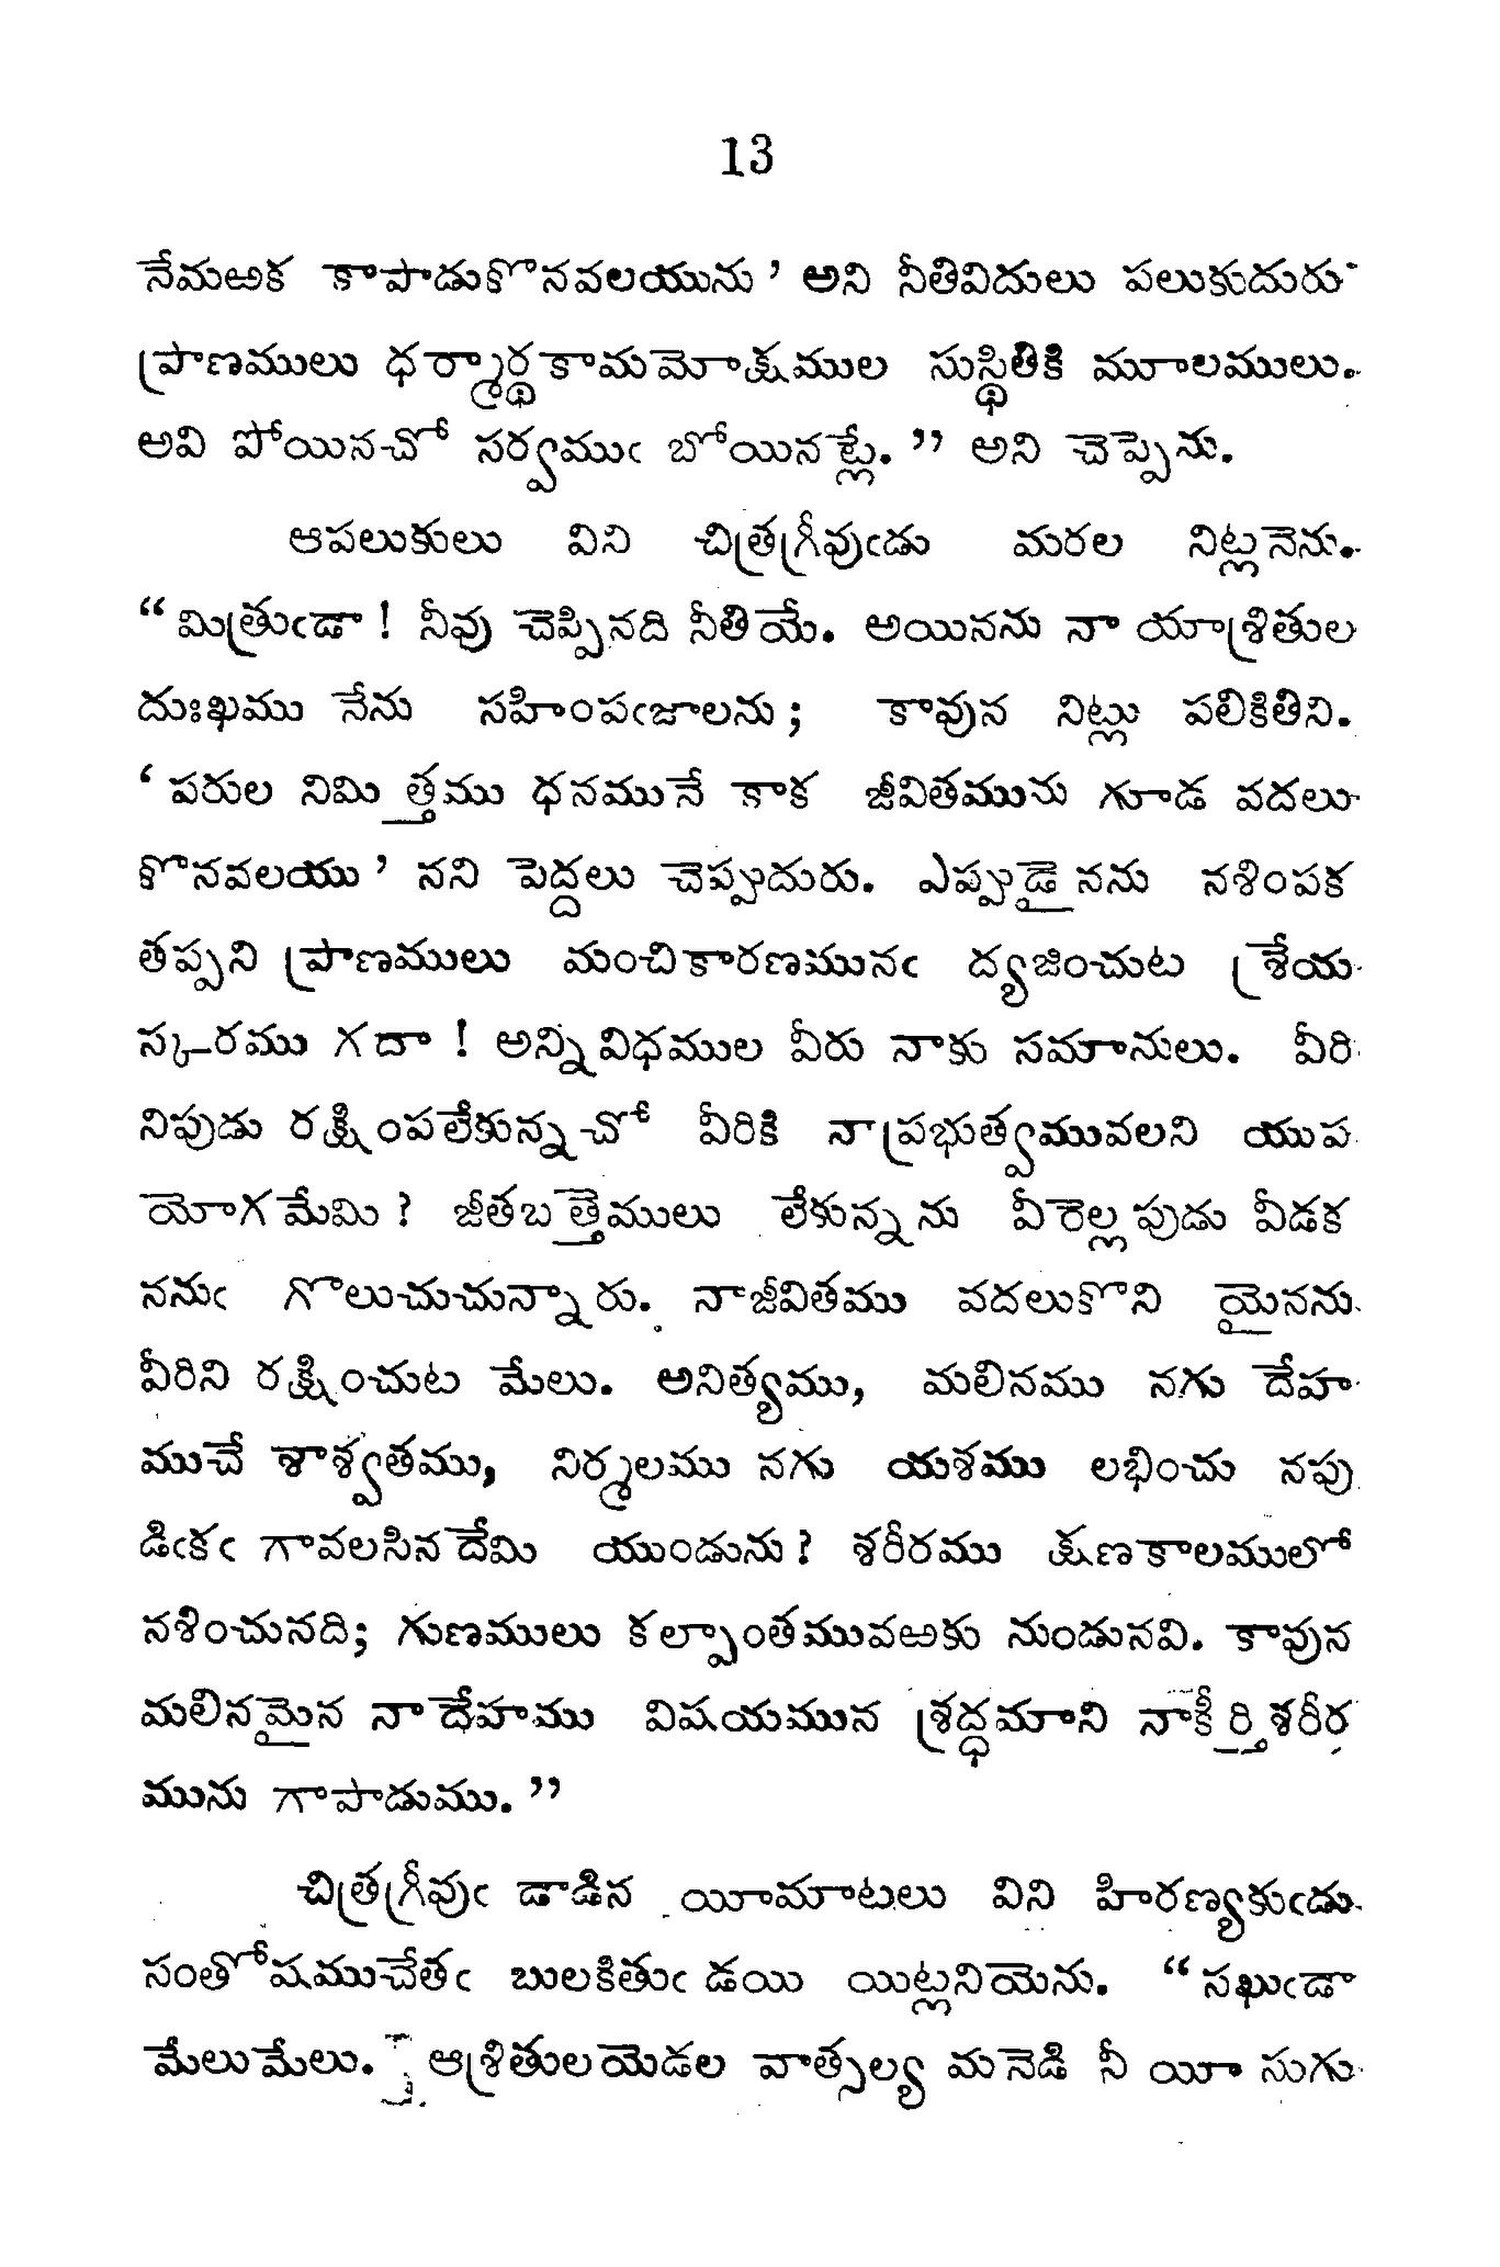నేమఱక కాపాడుకొనవలయును.' అని నీతివిదులు పలుకుదురు ప్రాణములు ధర్మార్థకామమోక్షముల సుస్థితికి మూలములు. అవిపోయినచో సర్వము బోయినట్లే." అని చెప్పెను.
 
ఆపలుకులు విని చిత్రగ్రీవుడు మరల నిట్లనెను. "మిత్రుడా! నీవు చెప్పినది నీతియే. అయినను నా యాశ్రితుల దుఃఖము నేను సహింపజాలను; కావున నిట్లు పలికితిని. 'పరుల నిమిత్తము ధనమునే కాక జీవితమును గూడ వదలుకొనవలయు ' నని పెద్దలు చెప్పుదురు. ఎప్పుడైనను నశింపక తప్పని ప్రాణములు మంచికారణమున ద్యజించుట శ్రేయస్కరముగదా! అన్నివిధముల వీరు నాకు సమానులు. వీరినిపుడు రక్షింపలేకున్నచో వీరికి నాప్రభుత్వమువలని యుపయోగమేమి? జీతబత్తెములు లేకున్నను వీరెల్లపుడు వీడక నను గొలుచుచున్నారు. నాజీవితము వదలుకొని యైనను వీరిని రక్షించుట మేలు. అనిత్యము, మలినము నగు దేహముచే శాశ్వతము, నిర్మలము నగు యశము లభించు నపుడిక గావలసినదేమె యుండును? శరీరము క్షణకాలములో నశించునది; గుణములు కల్పాంతమువఱకు నుండునవి. కావున మలినమైన నాదేహము విషయమున శ్రద్ధమాని నాకీర్తిశరీరమును గాపాడుము.'
 
చిత్రగ్రీవు డాడిన యీమాటలు విని హిరణ్యకుడు సంతోషముచేత బులకితుడయి యిట్లనియెను. "సఖుడా మేలుమేలు" ఆశ్రితుల యెడల వాత్సల్యమనెడి నీ యీ సుగు